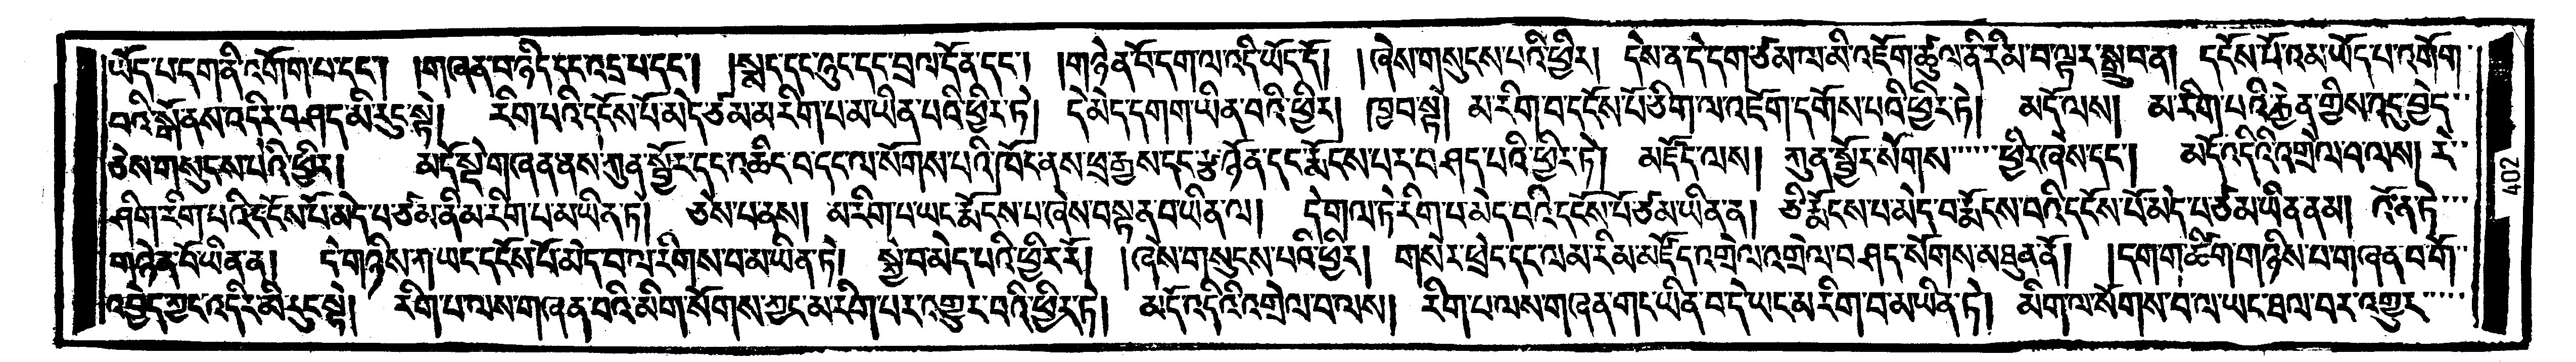ཡོད་པ་དག་ནི་འགོག་པ་དང་། །གཞན་པ་ཉིད་དང་འདྲ་པ་དང་། །སྨད་དང་ཉུང་དང་བྲལ་དོན་དང་། །གཉེན་པོ་དག་ལ་འདི་ཡོད་དོ། །ཞེས་གསུངས་པའི་ཕྱིར། དེས་ན་དེ་དག་ཙམ་ལ་མི་འཇོག་ཚུལ་ནི་རིམ་པ་ལྟར་སྒྲུབ་ན། དངོས་པོ་འམ་ཡོད་པ་འགོག་
པའི་སྒོ་ནས་འདིར་བཤད་མི་རུང་སྟེ། རིག་པའི་དངོས་པོ་མེད་ཙམ་མ་རིག་པ་མ་ཡིན་པའི་ཕྱིར་ཏེ། དེ་མེད་དགག་ཡིན་པའི་ཕྱིར། ཁྱབ་སྟེ། མ་རིག་པ་དངོས་པོ་ཅིག་ལ་འཇོག་དགོས་པའི་ཕྱིར་ཏེ། མདོ་ལས། མ་རིག་པའི་རྐྱེན་གྱིས་འདུ་བྱེད་
ཅེས་གསུངས་པའི་ཕྱིར། མདོ་སྡེ་གཞན་ནས་ཀུན་སྦྱོར་དང་འཆིང་བ་དང་ལ་སོགས་པའི་ཁོང་ནས་ཕྲ་རྒྱས་དང་རྩ་ཉོན་དང་རྨོངས་པར་བཤད་པའི་ཕྱིར་ཏེ། མཛོད་ལས། ཀུན་སྦྱོར་སོགས་ཕྱིར་ཞེས་དང་། མདོ་འདིའི་འགྲེལ་བ་ལས། རེ་
ཤིག་རིག་པའི་དངོས་པོ་མེད་པ་ཙམ་ནི་མ་རིག་པ་མ་ཡིན་ཏེ། ཅེས་པ་ནས། མ་རིག་པ་ཡང་རྨོངས་པ་ཞེས་བསྟན་བ་ཡིན་ལ། དེ་གལ་ཏེ་རིག་པ་མེད་པའི་དངོས་པོ་ཙམ་ཡིན་ན། ཅི་རྨོངས་པ་མེད་པ་རྨོངས་པའི་དངོས་པོ་མེད་པ་ཙམ་ཡིན་ནམ། འོན་ཏེ་
གཉེན་པོ་ཡིན་ན། དེ་གཉིས་ཀ་ཡང་དངོས་པོ་མེད་པ་ལ་རིགས་པ་མ་ཡིན་ཏེ། སྐྱེ་བ་མེད་པའི་ཕྱིར་རོ། །ཞེས་གསུངས་པའི་ཕྱིར། གསེར་ཕྲེང་དང་ལམ་རིམ་མཛོད་འགྲེལ་འགྲེལ་བཤད་སོགས་མཐུན་ནོ། །དགག་ཚིག་གཉིས་པ་གཞན་བ་གོ་
འབྱེད་ཀྱང་འདིར་མི་རུང་སྟེ། རིག་པ་ལས་གཞན་པའི་མིག་སོགས་ཀྱང་མ་རིག་པར་འགྱུར་བའི་ཕྱིར་ཏེ། མདོ་འདིའི་འགྲེལ་བ་ལས། རིག་པ་ལས་གཞན་གང་ཡིན་པ་དེ་ཡང་མ་རིག་པ་མ་ཡིན་ཏེ། མིག་ལ་སོགས་པ་ལ་ཡང་ཐལ་བར་འགྱུར་